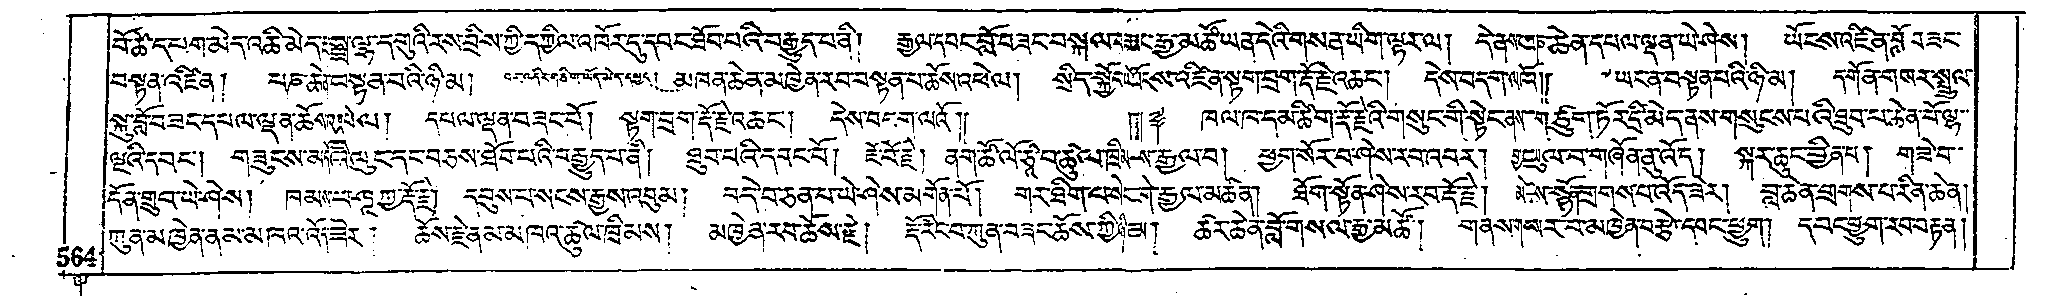བོ་ཚེ་དཔག་མེད་འཆི་མེད་རྔ་སྒྲ་ལྷ་དགུའི་རས་བྲིས་ཀྱི་དཀྱིལ་འཁོར་དུ་དབང་ཐོབ་པའི་བརྒྱུད་པ་ནི། རྒྱལ་དབང་བློ་བཟང་བསྐལ་བཟང་རྒྱ་མཚོ་ཡན་དེའི་གསན་ཡིག་ལྟར་ལ། དེ་ནས་པན་ཆེན་དཔལ་ལྡན་ཡེ་ཤེས། ཡོངས་འཛིན་བློ་བཟང་
བསྟན་འཛིན། པན་ཆེན་བསྟན་པའི་ཉི་མ། བར་འདིར་གཅིག་ཡོད་མེད་དཔྱད།  མཁན་ཆེན་མཁྱེན་རབ་བསྟན་པ་ཆོས་འཕེལ། སྲིད་སྐྱོང་ཡོངས་འཛིན་ན་སྟག་བྲག་རྡོ་རྗེ་འཆང་། དེས་བདག་ལའོ།། ༧ཡང་ན་བསྟན་པའི་ཉི་མ། དགོན་གསར་སྤྲུལ་
སྐུ་བློ་བཟང་དཔལ་ལྡན་ཆོས་འཕེལ། དཔལ་ལྡན་བཟང་པོ། སྟག་བྲག་རྡོ་རྗེ་འཆང་། དེས་བདག་ལའོ།། །།འ་ཁལ་ཁ་དམ་ཚིག་རྡོ་རྗེའི་གསུང་གི་སྟེང་ནས་གཙུག་ཏོར་དྲི་མེད་ནས་གསུངས་པའི་ཐུབ་པ་ཆེན་པོ་ལྷ་
ལྔའི་དབང་། གཟུངས་མདོའི་ལུང་དང་བཅས་ཐོབ་པའི་བརྒྱུད་པ་ནི། ཐུབ་པའི་དབང་པོ། ཇོ་བོ་རྗེ། ནག་ཚོ་ལོ་རྩཱ་བ་ཚུལ་ཁྲིམས་རྒྱལ་བ། ཕྱག་སོར་བ་ཤེས་རབ་འབར། བྱ་ཡུལ་བ་གཞོན་ནུ་འོད། སྐར་ཆུང་བྱིན་པ། གཟེ་བ་
དོན་གྲུབ་ཡེ་ཤེས། ཁམས་པ་ཤཱཀྱ་རྡོ་རྗེ། དབུས་པ་སངས་རྒྱས་འབུམ། བདེ་བ་ཅན་པ་ཡེ་ཤེས་མགོན་པོ། གར་ཐིག་པ་སེང་གེ་རྒྱལ་མཚན། ཐོག་སྟོན་ཤེས་རབ་རྡོ་རྗེ། མེས་སྟོན་གྲགས་པ་འོད་ཟེར། བླ་ཆེན་གྲགས་པ་རིན་ཆེན།
ཀུན་མཁྱེན་ནམ་མཁའ་འོད་ཟེར། ཆོས་རྗེ་ནམ་མཁའ་ཚུལ་ཁྲིམས། མཁྱེན་རབ་ཆོས་རྗེ། རྡོ་རིང་བ་ཀུན་བཟང་ཆོས་ཀྱི་ཉི་མ། ཚར་ཆེན་བློ་གསལ་རྒྱ་མཚོ། གནས་གསར་བ་མཁྱེན་བརྩེ་དབང་ཕྱུག། དབང་ཕྱུག་རབ་བརྟན།